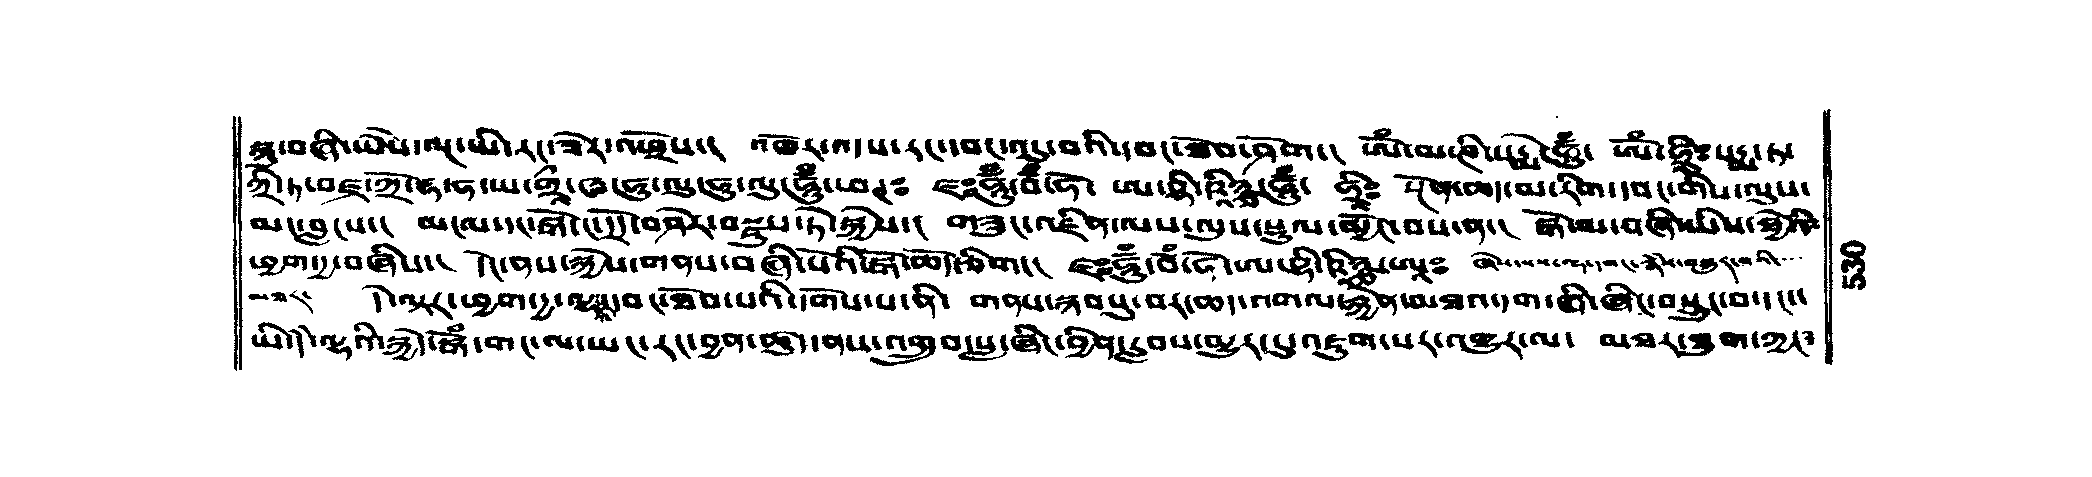།སྐུ་བཞི་ཡེ་ཤེས་ལྔ་ཡི་རང་ཟེར་འཕྲོས། །འཁོར་འདས་རང་དབང་འདུ་བའི་དབང་ཐོབ་ཤོག ཨོཾ་མ་ཎི་པདྨེ་ཧཱུྃ།་ཨོཾ་ཧྲཱིཿཔདྨ་ཏ་
ཀྲི་ཏ་བཛྲ་ཀྲོ་དྷ་ཧ་ཡ་གྲཱྀ་ཝ་ཧུ་ལུ་ཧུ་ལུ་ཧཱུྃ་ཕཊཿ ཛཿཧཱུྃ་བཾ་ཧོ། ཨ་བྷི་རིའཉྩ་ཧཱུྃ། ཧྲཱིཿ སྔོན་ཆད་མ་རིག་དབང་གིས་ལུས་
མང་བླངས། །མངལ་དང་སྒོ་ང་དྲོད་གཤེར་རྫུས་ཏེ་སྐྱེས། །གཟུང་འཛིན་ལས་ལུས་སྡུག་བསྔལ་མྱོང་བས་ན། །སྒོ་མ་བཞི་ཡིས་ཐུགས་རྗེའི་
ཕྱག་རྒྱ་བཞིས། །དེ་ནས་སྐྱེ་གནས་བཞི་པོའི་སྒོ་ཆོད་ཅིག ཛཿཧཱུྃ་བྃ་ཧོ་ཨ་བྷི་རཱཉྩ་ཨཱཿ ཞེས་པའི་ལྷ་དབང་རྣམས་བསྐུར་བའི་
མཐར། དེ་ལྟར་ཕྱག་རྒྱ་ལྷའི་དབང་ཐོབ་པའི་དགོས་པ་ནི། གནས་སྐབས་སུ་བར་ཆད་འགལ་རྐྱེན་མཐའ་དག་ཞི་ཞིང་བསྲུང་བ་དང་། 
ཡི་དམ་ལྷའི་སྐྱེད་སྒོམ་གང་ལ་ཡང་རང་བྱན་ཚུད་ནས་འགྲུབ་སླ་ཞིང་བྱིན་རླབས་མྱུར་དུ་འཇུག་པར་འགྱུར་ལ། མཐར་ཐུག་ཀྱང་